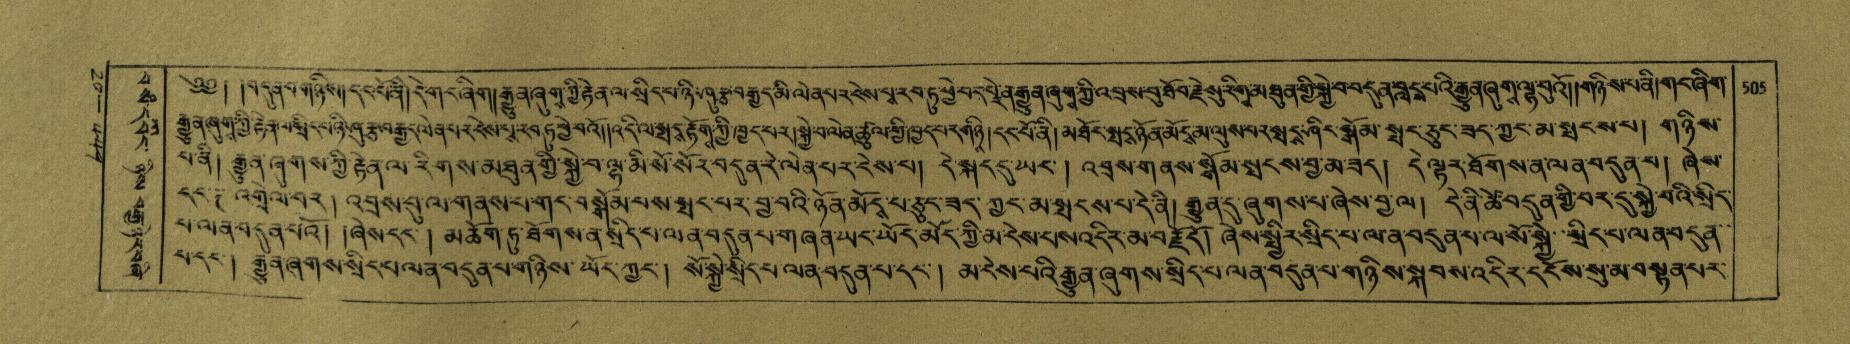༄༅། །བདུན་བ་གཉིས། དང་པོ་ནི། དེ་གང་ཞིག །རྒྱུན་ཞུགས་ཀྱི་རྟེན་ལ་སྲིད་པ་ཉི་ཤུ་རྩ་བརྒྱད་མི་ལེན་པར་ངེས་པས་རབ་ཏུ་ཕྱེ་བ་དཔེར་ན་རྒྱུན་ཞུགས་ཀྱི་འབྲས་བུ་ཐོབ་རྗེསུ་རིགས་མཐུན་གྱི་སྐྱེ་བ་བདུན་བླངས་པའི་རྒྱུན་ཞུགས་ལྟ་བུའོ། །གཉིས་པ་ནི། གང་ཞིག་
རྒྱུན་ཞུགས་ཀྱི་རྟེན་ལ་སྲིད་པ་ཉི་ཤུ་རྩ་བརྒྱད་ལེན་པར་ངེས་པས་རབ་ཏུ་ཕྱེ་བའོ། །འདི་ལ་སྤངས་རྟོགས་ཀྱི་ཁྱད་པར་།སྐྱེ་བ་ལེན་ཚུལ་གྱི་ཁྱད་པར་གཉིས། དང་པོ་ནི། མཐོང་སྤངས་ཉོན་མོངས་མ་ལུས་པར་སྤངས་ཤིང་སྒོམ་སྤང་ཅུང་ཟད་ཀྱང་མ་སྤངས་པ། གཉིས་
པ་ནི། རྒྱུན་ཞུགས་ཀྱི་རྟེན་ལ་རིགས་མཐུན་གྱི་སྐྱེ་བ་ལྷ་མི་སོ་སོར་བདུན་རེ་ལེན་པར་ངེས་པ། དེ་སྐད་དུ་ཡང་། འབྲས་གནས་སྒོམ་སྤངས་བྱ་མ་ཟད། དེ་ལྟར་ཐོགས་ན་ལན་བདུན་པ། ཞེས་
དང༑ འགྲེལ་བར། འབྲས་བུ་ལ་གནས་པ་གང་བསྒོམ་པས་སྤང་བར་བྱ་བའི་ཉོན་མོངས་པ་ཅུང་ཟད་ཀྱང་མ་སྤངས་པ་དེ་ནི། རྒྱུན་དུ་ཞུགས་པ་ཞེས་བྱ་ལ། དེ་ནི་ཚེ་བདུན་གྱི་བར་དུ་སྐྱེ་བའི་སྲིད་
པ་ལན་བདུན་པའོ། །ཞེས་དང་། མཆོག་ཏུ་ཐོགས་ན་སྲིད་པ་ལན་བདུན་པ་གཞན་ཡང་ཡོད་མདོ་ཀྱི་མ་ངེས་པས་འདིར་མ་བརྗོད་དོ། ཞེས་སྤྱིར་སྲིད་པ་ལ་ན་བདུན་པ་ལ་སོ་སྐྱེ་སྲིད་པ་ལན་བདུན་
པ་དང་། རྒྱུན་ཞུགས་སྲིད་པ་ལན་བདུན་པ་གཉིས་ཡོད་ཀྱང་། སོ་སྐྱེ་སྲིད་པ་ལན་བདུན་པ་དང་། མ་ངེས་པའི་རྒྱུན་ཞུགས་སྲིད་པ་ལན་བདུན་པ་གཉིས་སྐབས་འདིར་དངོས་སུ་མ་བསྟན་པར་